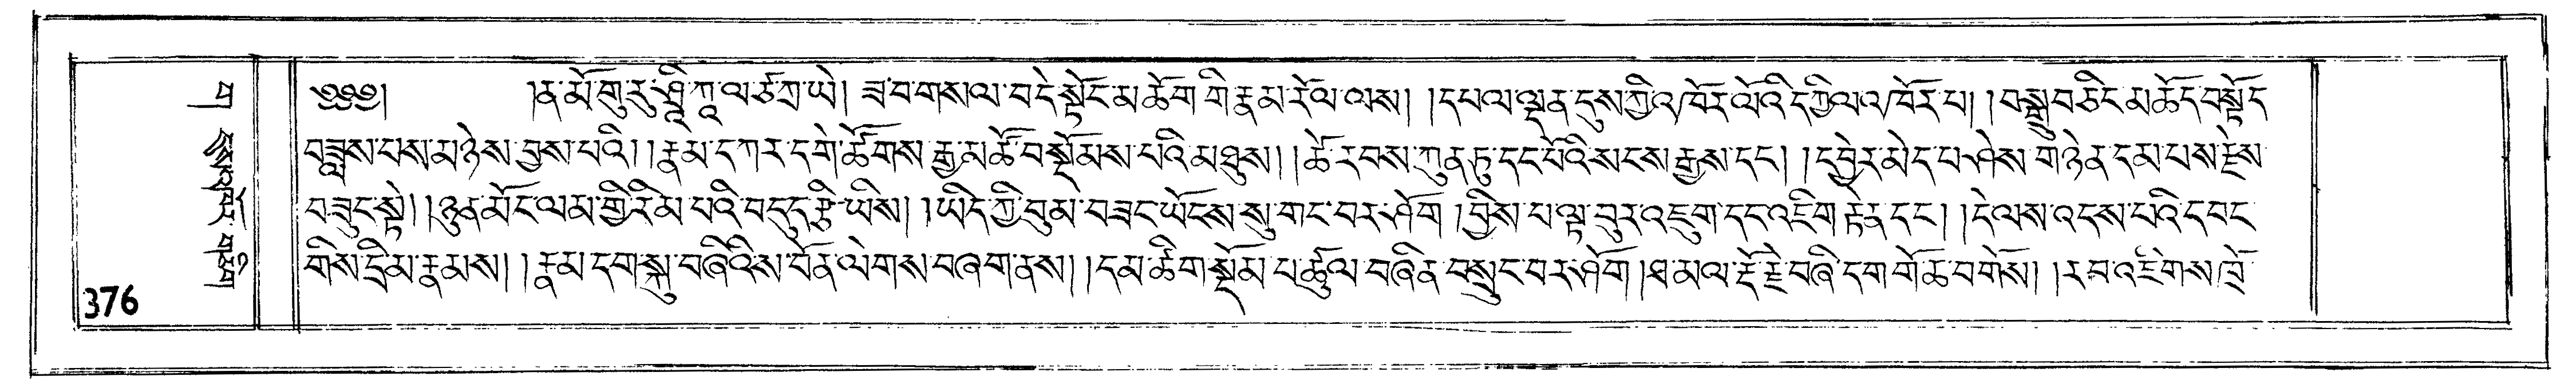༄༅༅། །ན་མོ་གུ་རུ་ཤྲཱི་ཀཱ་ལ་ཙ་ཀྲ་ཡེ། ཟ་བ་གསལ་བདེ་སྟོང་མཆོག་གི་རྣམ་རོལ་ལས། །དཔལ་ལྡན་དུས་ཀྱི་འཁོར་ལོའི་དཀྱིལ་འཁོར་པ། །བསྒྲུབ་ཅིང་མཆོད་བསྟོད་
བཟླས་པས་མཉེས་བྱས་པའི། །རྣམ་དཀར་དགེ་ཚོགས་རྒྱ་མཚོ་བསྡོམས་པའི་མཐུས། །ཚེ་རབས་ཀུན་ཏུ་དང་པོའི་སངས་རྒྱས་དང་། །དབྱེར་མེད་བཤེས་གཉེན་དམ་པས་རྗེས་
བཟུང་སྟེ། །ཉུན་མོང་ལམ་གྱི་རིམ་པའི་བདུད་རྩི་ཡིས། །ཡིད་ཀྱི་བུམ་བཟང་ཡོངས་སུ་གང་བར་ཤོག །བྱིས་པ་ལྟ་བུར་འཇུག་དང་འཇིག་རྟེན་དང་། །དེ་ལས་འདས་པའི་དབང་
གིས་དྲི་མ་རྣམས། །རྣམ་དག་སྐུ་བཞིའི་ས་བོན་ལེགས་བཞག་ནས། །དམ་ཚིག་སྡོམ་པ་ཚུལ་བཞིན་བསྲུང་བར་ཤོག །ཐ་མལ་རྡོ་རྗེ་བཞི་དག་གོ་ཆ་བགོས། །རབ་འཇིགས་ཁྲོ་